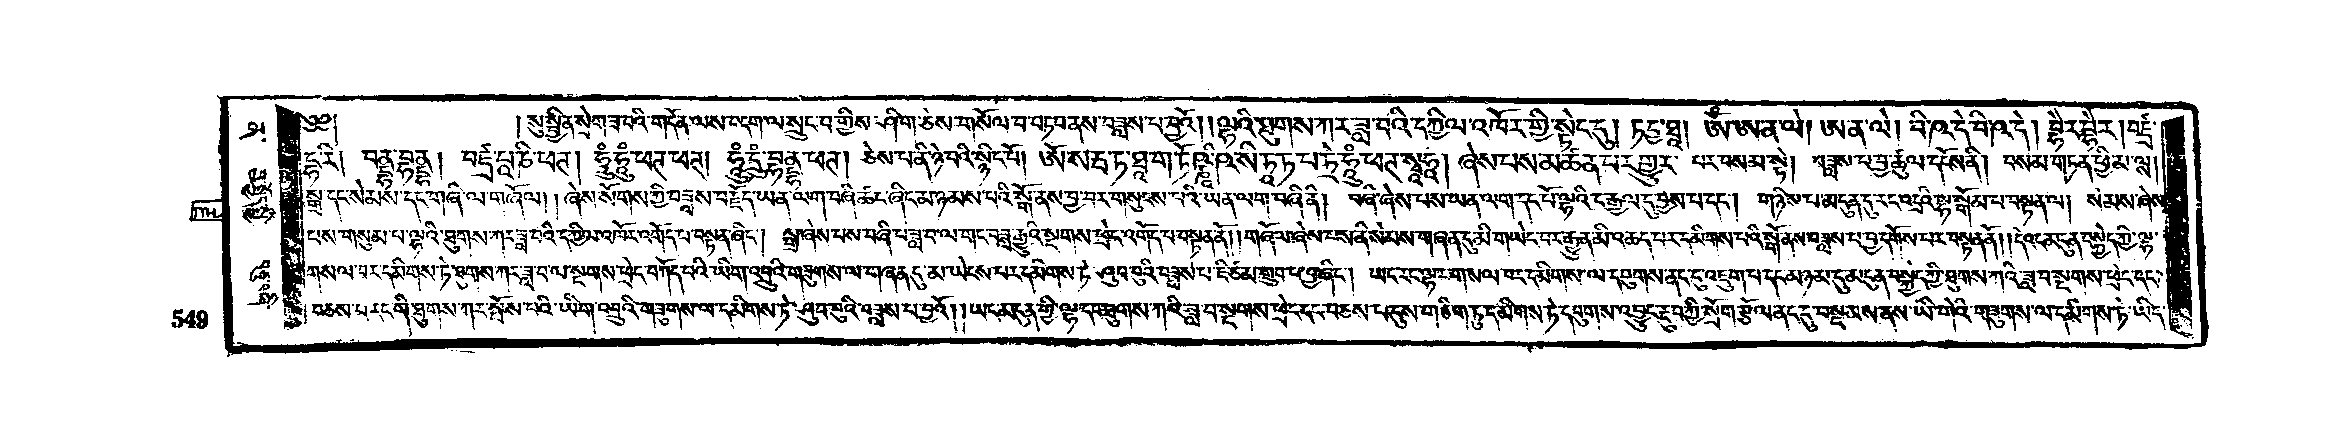༄༅། །སུ་སྦྱིན་སྲེག་ཟ་བའི་གདོན་ལས་བདག་ལ་སྲུང་བ་གྱིས་ཤིག་ཅེས་གསོལ་བ་བཏབ་ནས་བཟླས་པ་བྱའོ། །ལྷའི་ཐུགས་ཀར་ཟླ་བའི་དཀྱིལ་འཁོར་གྱི་སྟེང་དུ། ཏདྱ་ཐཱ། ཨོཾ་ཨ་ན་ལེ། ཨ་ན་ལེ། བི་ཥ་དེ་བི་ཥ་དེ། བྷཻ་ར་བྷཻ་ར། བཛྲ་
དྷ་རི། བནྡྷ་བྷནྡྷ། བཛྲ་པཱ་ཎི་ཕཊ། ཧཱུཾ་ཧཱུཾ་ཕཊ་ཕཊ། ཧཱུཾ་དྲུཾ་བྷནྡྷ་ཕཊ། ཅེས་པ་ནི་ཉེ་བའི་སྙིང་པོ། ཨོཾ་སརྦ་ཏ་ཐཱ་ག་ཏོཥྞཱི་ཥ་སི་ཏཱ་ཏ་པ་ཏྲེ་ཧཱུཾ་ཕཊ་སྭཱཧཱ། ཞེས་པས་མཚན་པར་གྱུར་པར་བསམ་སྟེ། བཟླས་པ་བྱ་ཚུལ་དངོས་ནི། བསམ་གཏན་ཕྱི་མ་ལས།
སྒྲ་དང་སེམས་དང་གཞི་ལ་གཞོལ། །ཞེས་སོགས་ཀྱི་བཟླས་བརྗོད་ཡན་ལག་བཞི་ཚང་ཞིང་མ་ཉམས་པའི་སྒོ་ནས་བྱ་བར་གསུངས་པའི་ཡན་ལག་བཞི་ནི། བཞི་ཞེས་པས་ཡན་ལག་དང་པོ་ལྷའི་ང་རྒྱལ་དུ་བྱས་པ་དང་། གཉིས་པ་མདུན་དུ་རང་འདྲའི་ལྷ་སྒོམ་པ་བསྟན་ལ། སེམས་ཞེས་
པས་གསུམ་པ་ལྷའི་ཐུགས་ཀར་ཟླ་བའི་དཀྱིལ་འཁོར་འགོད་པ་བསྟན་ཞིང་། སྒྲ་ཞེས་པས་བཞི་པ་ཟླ་བ་ལ་གང་བཟླ་རྒྱུའི་སྔགས་ཕྲེང་འགོད་པ་བསྟན་ནོ། །གཞོལ་ཞེས་པས་ནི་སེམས་གཞན་དུ་མི་གཡེང་བར་རྒྱུན་མི་འཆད་པར་དམིགས་པའི་སྒོ་ནས་བཟླས་པ་བྱ་དགོས་པར་བསྟན་ནོ། །དེའང་མདུན་བསྐྱེད་ཀྱི་ལྷ་
གསལ་བར་དམིགས་ཏེ་ཐུགས་ཀར་ཟླ་བ་ལ་སྔགས་ཕྲེང་བཀོད་པའི་ཡིག་འབྲུའི་གཟུགས་ལ་གཞན་དུ་མ་ཡེངས་པར་དམིགས་ཏེ་ཤུབ་བུའི་བཟླས་པ་ཇི་ཙམ་གྲུབ་པ་བྱ་ཞིང་། ཡང་རང་ལྷར་གསལ་བར་དམིགས་ལ་དབུགས་ནང་དུ་འཇུག་པ་དང་མཉམ་དུ་མདུན་བསྐྱེད་ཀྱི་ཐུགས་ཀའི་ཟླ་བ་སྔགས་ཕྲེང་དང་
བཅས་པ་རང་གི་ཐུགས་ཀར་སྤོས་པའི་ཡི་གེ་འབྲུའི་གཟུགས་ལ་དམིགས་ཏེ་ཤུབ་བུའི་བཟླས་པ་བྱའོ། །ཡང་མདུན་གྱི་ལྷ་དང་ཐུགས་ཀའི་ཟླ་བ་སྔགས་ཕྲེང་དང་བཅས་པ་དུས་གཅིག་ཏུ་དམིགས་ཏེ་དབུགས་འབྱུང་རྡུབ་ཀྱི་སྲོག་རྩོལ་ནང་དུ་བསྡམས་ནས་ཡི་གེའི་གཟུགས་ལ་དམིགས་ཏེ་ཡིད་